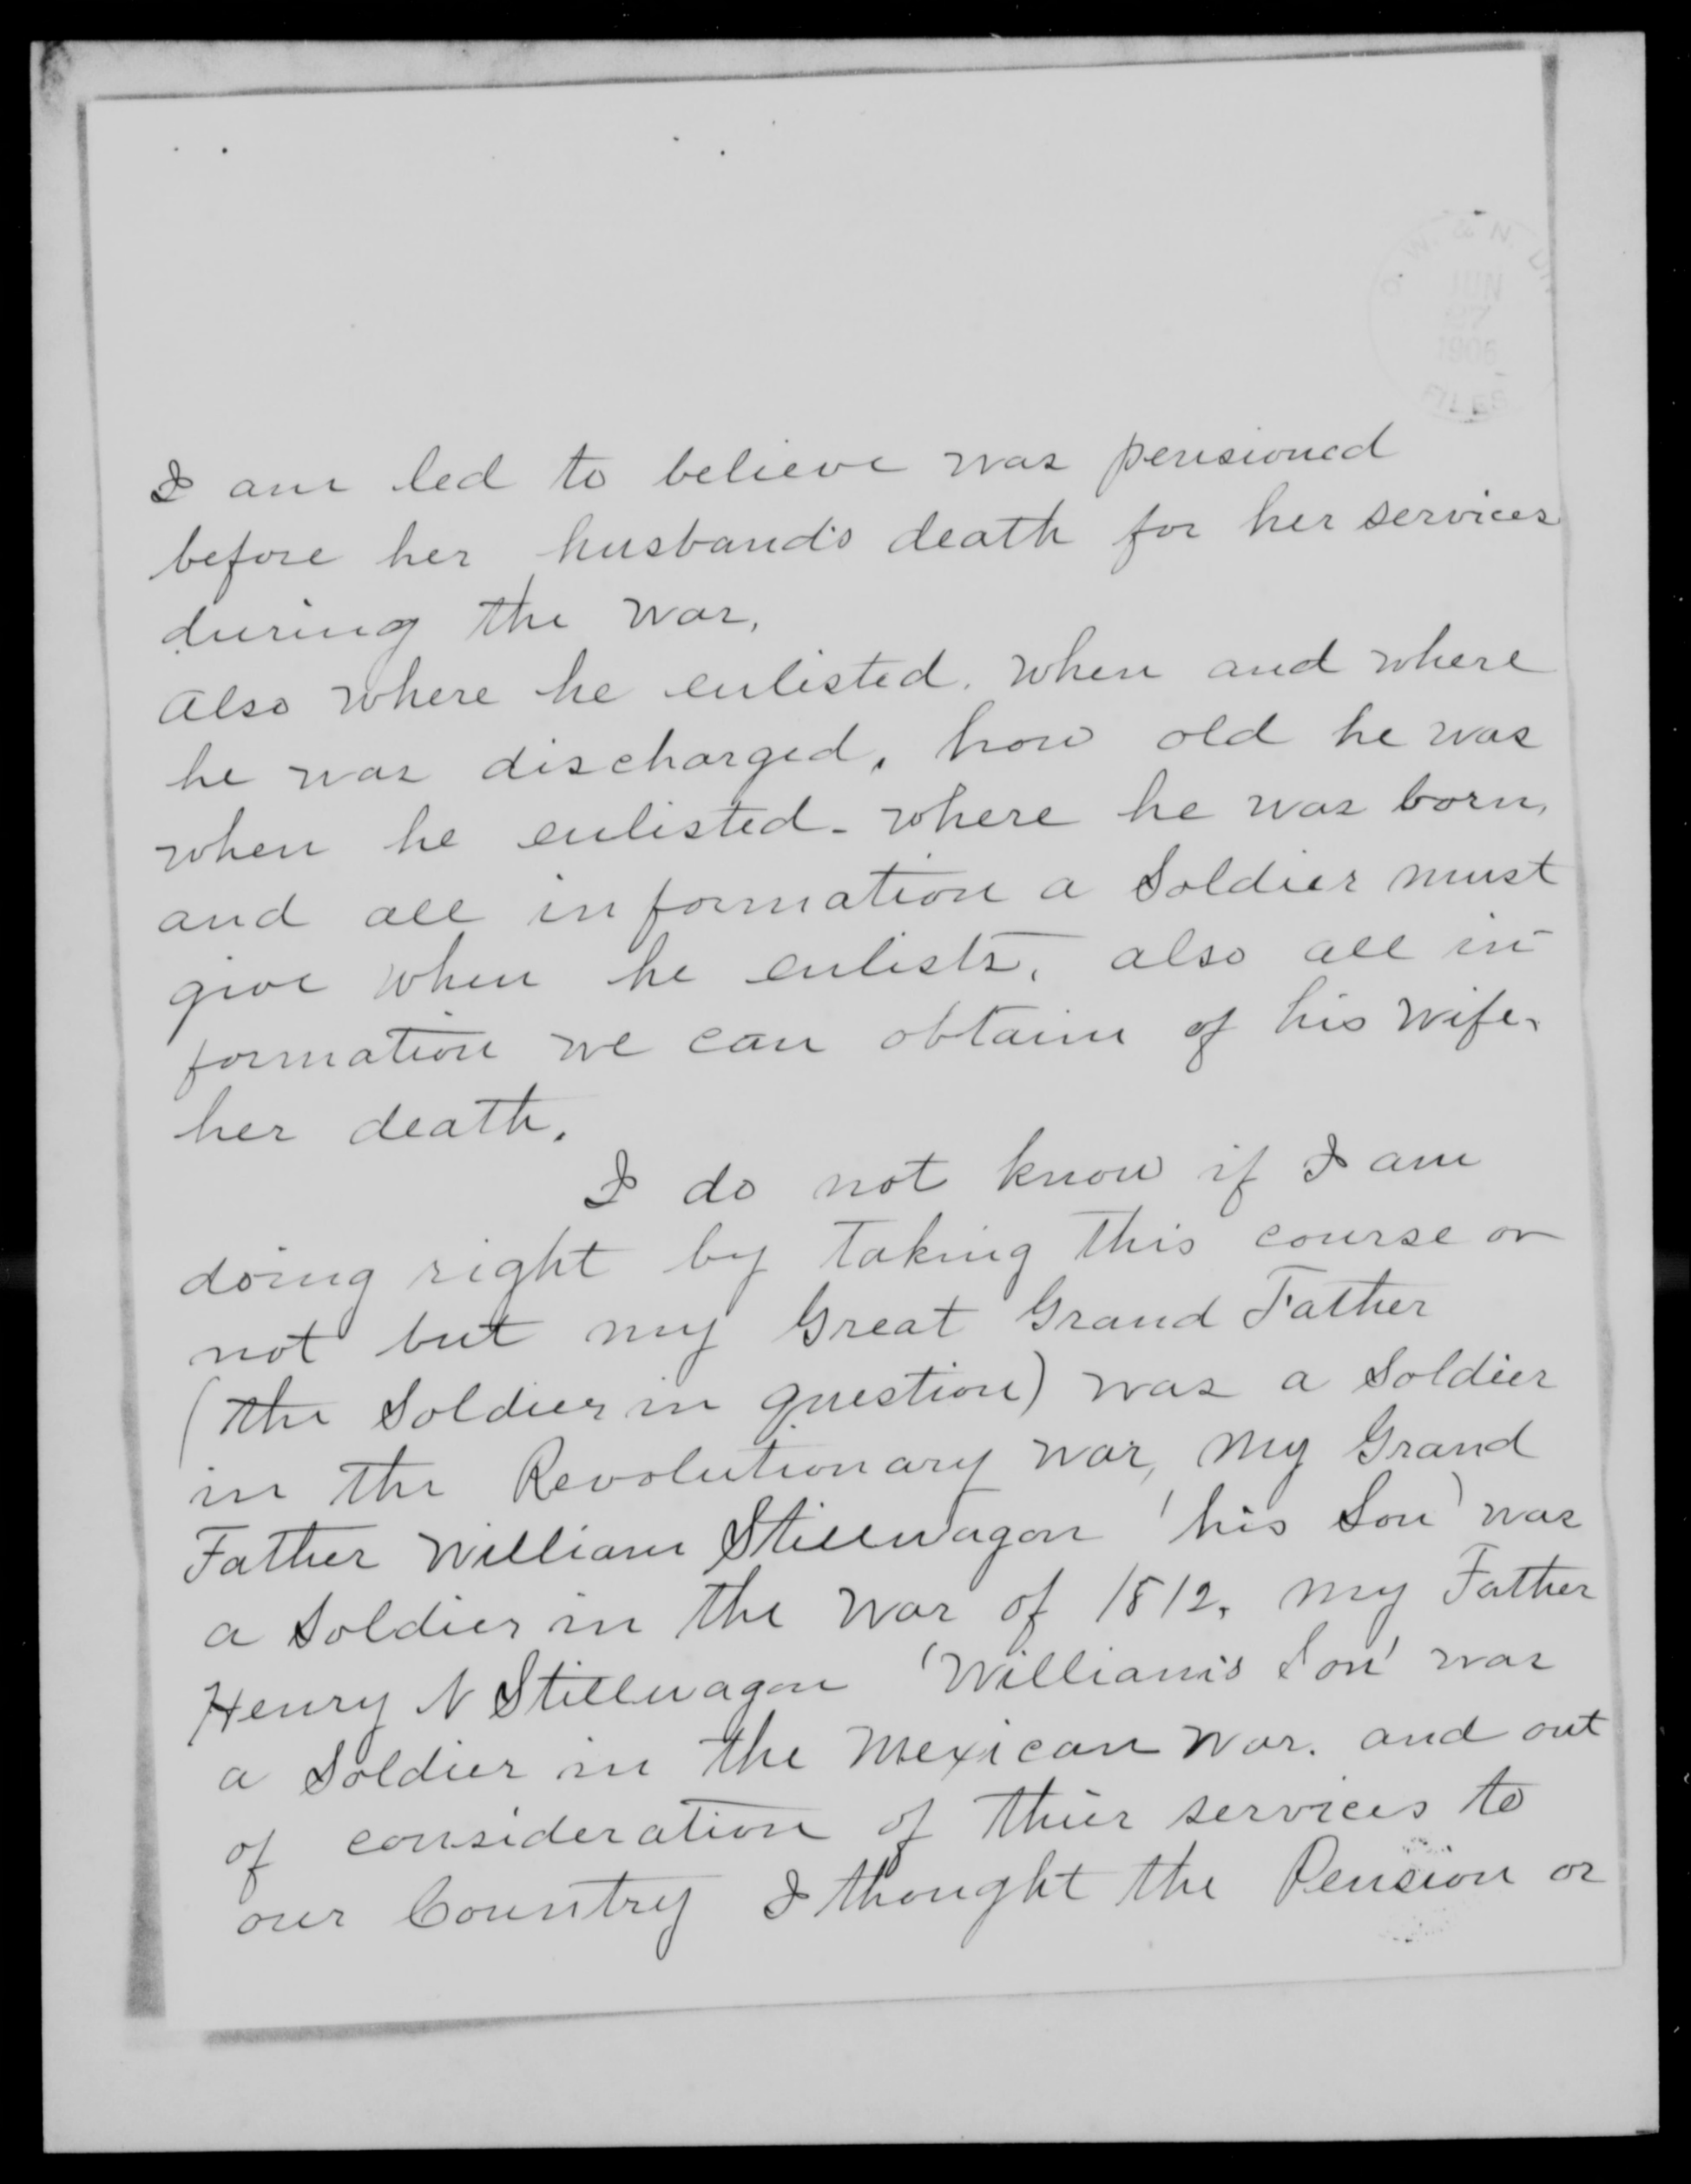I am led to believe was pensioned before her husband’s death for her services during the war.

Also where he enlisted, when and where he was discharged, how old he was when he enlisted, where he was born and all information a Soldier must give when he enlists, also all information we can obtain of his wife, her death.

I do not know if I am doing right by taking this course or not but my Great Grand Father (the Soldier in question) was a Soldier in the Revolutionary War, my Grand  Father William Stillwagon (his Son) was a Soldier in the War of 1812, my Father Henry N. Stillwagon  (William’s Son) was a Soldier in the Mexican War, and out of consideration of thier [sic] services to our Country I thought the Pension or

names: William [BLANK]; Henry N Stillwagon; William Stillwagon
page: 42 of 73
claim: widow's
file: W. 3197, for Peter Stillwagon, New Jersey